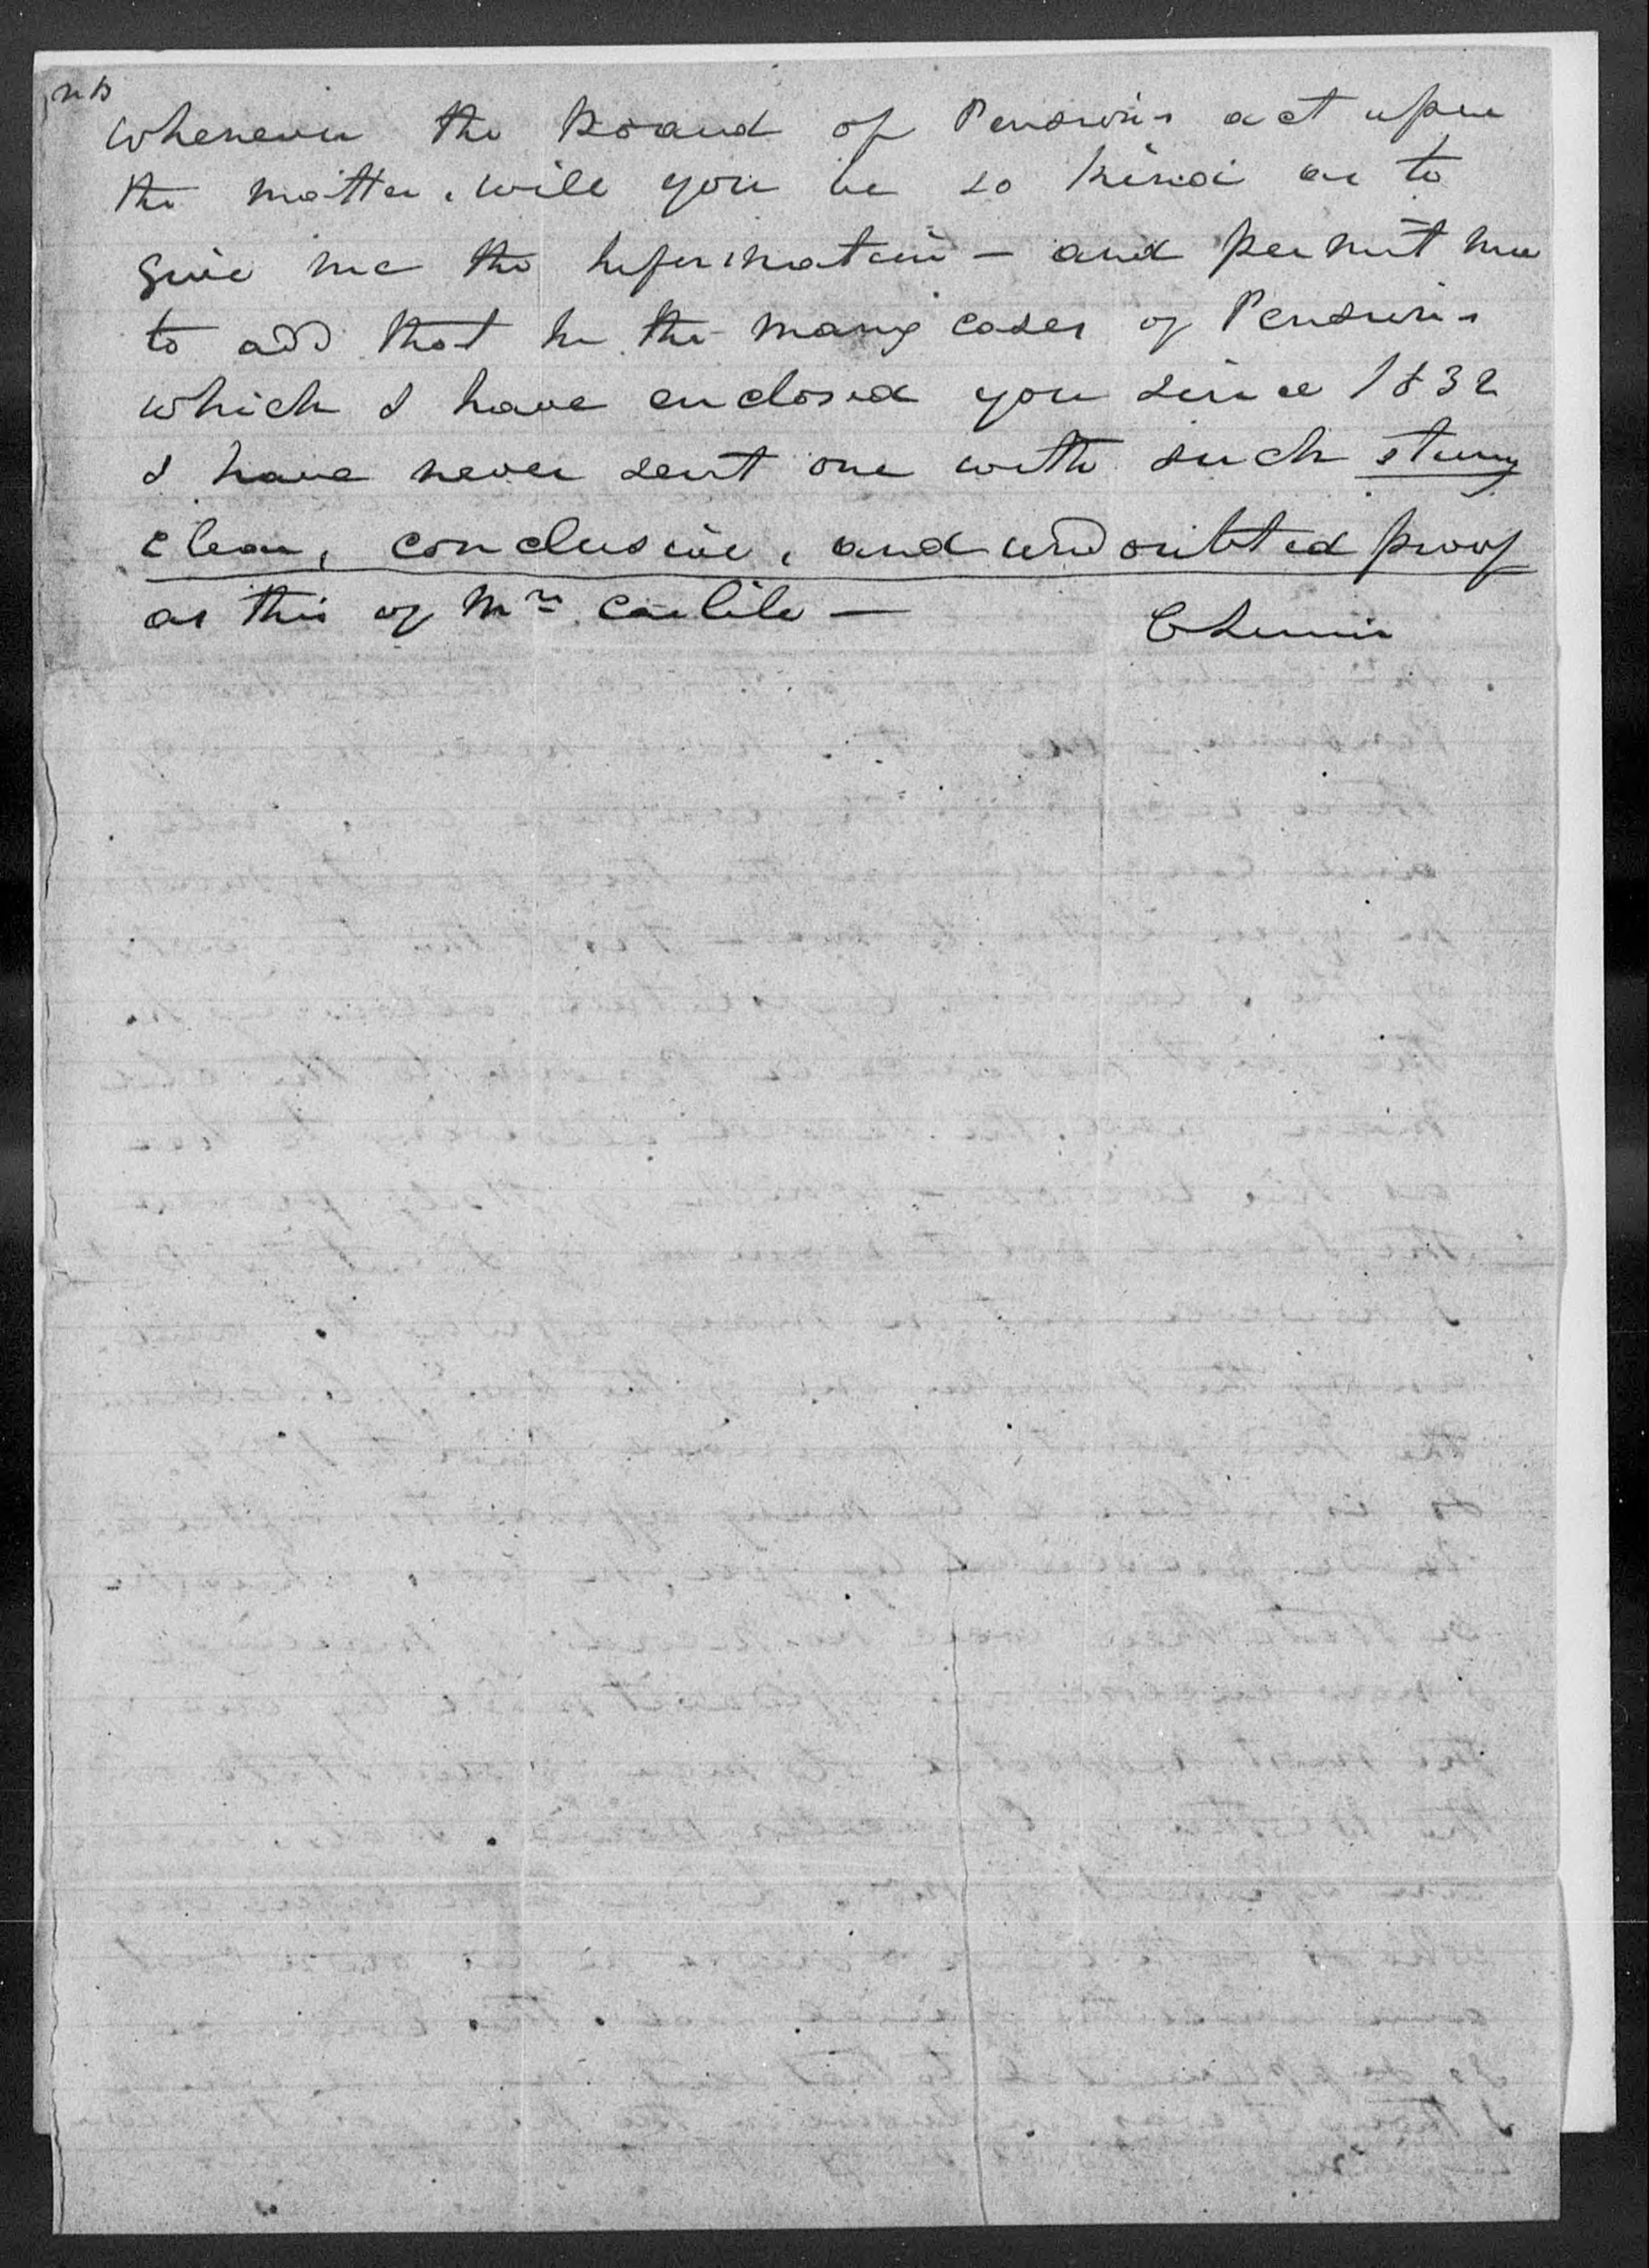NB Whenever the Board of Pensions  act upon the matter. Will you be so kind as to give me  the  information  and permit me to add that thin the many cases of Pensions which I have enclosed you since  1832  I have never sent one with such  strong, lar, conclusive and undoubted proof as this of Mrs. Carlisle. C Lewis ( signed )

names: Carlile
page: 67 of 91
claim: widow's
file: W. 10576, Francis Carlisle, S.C.